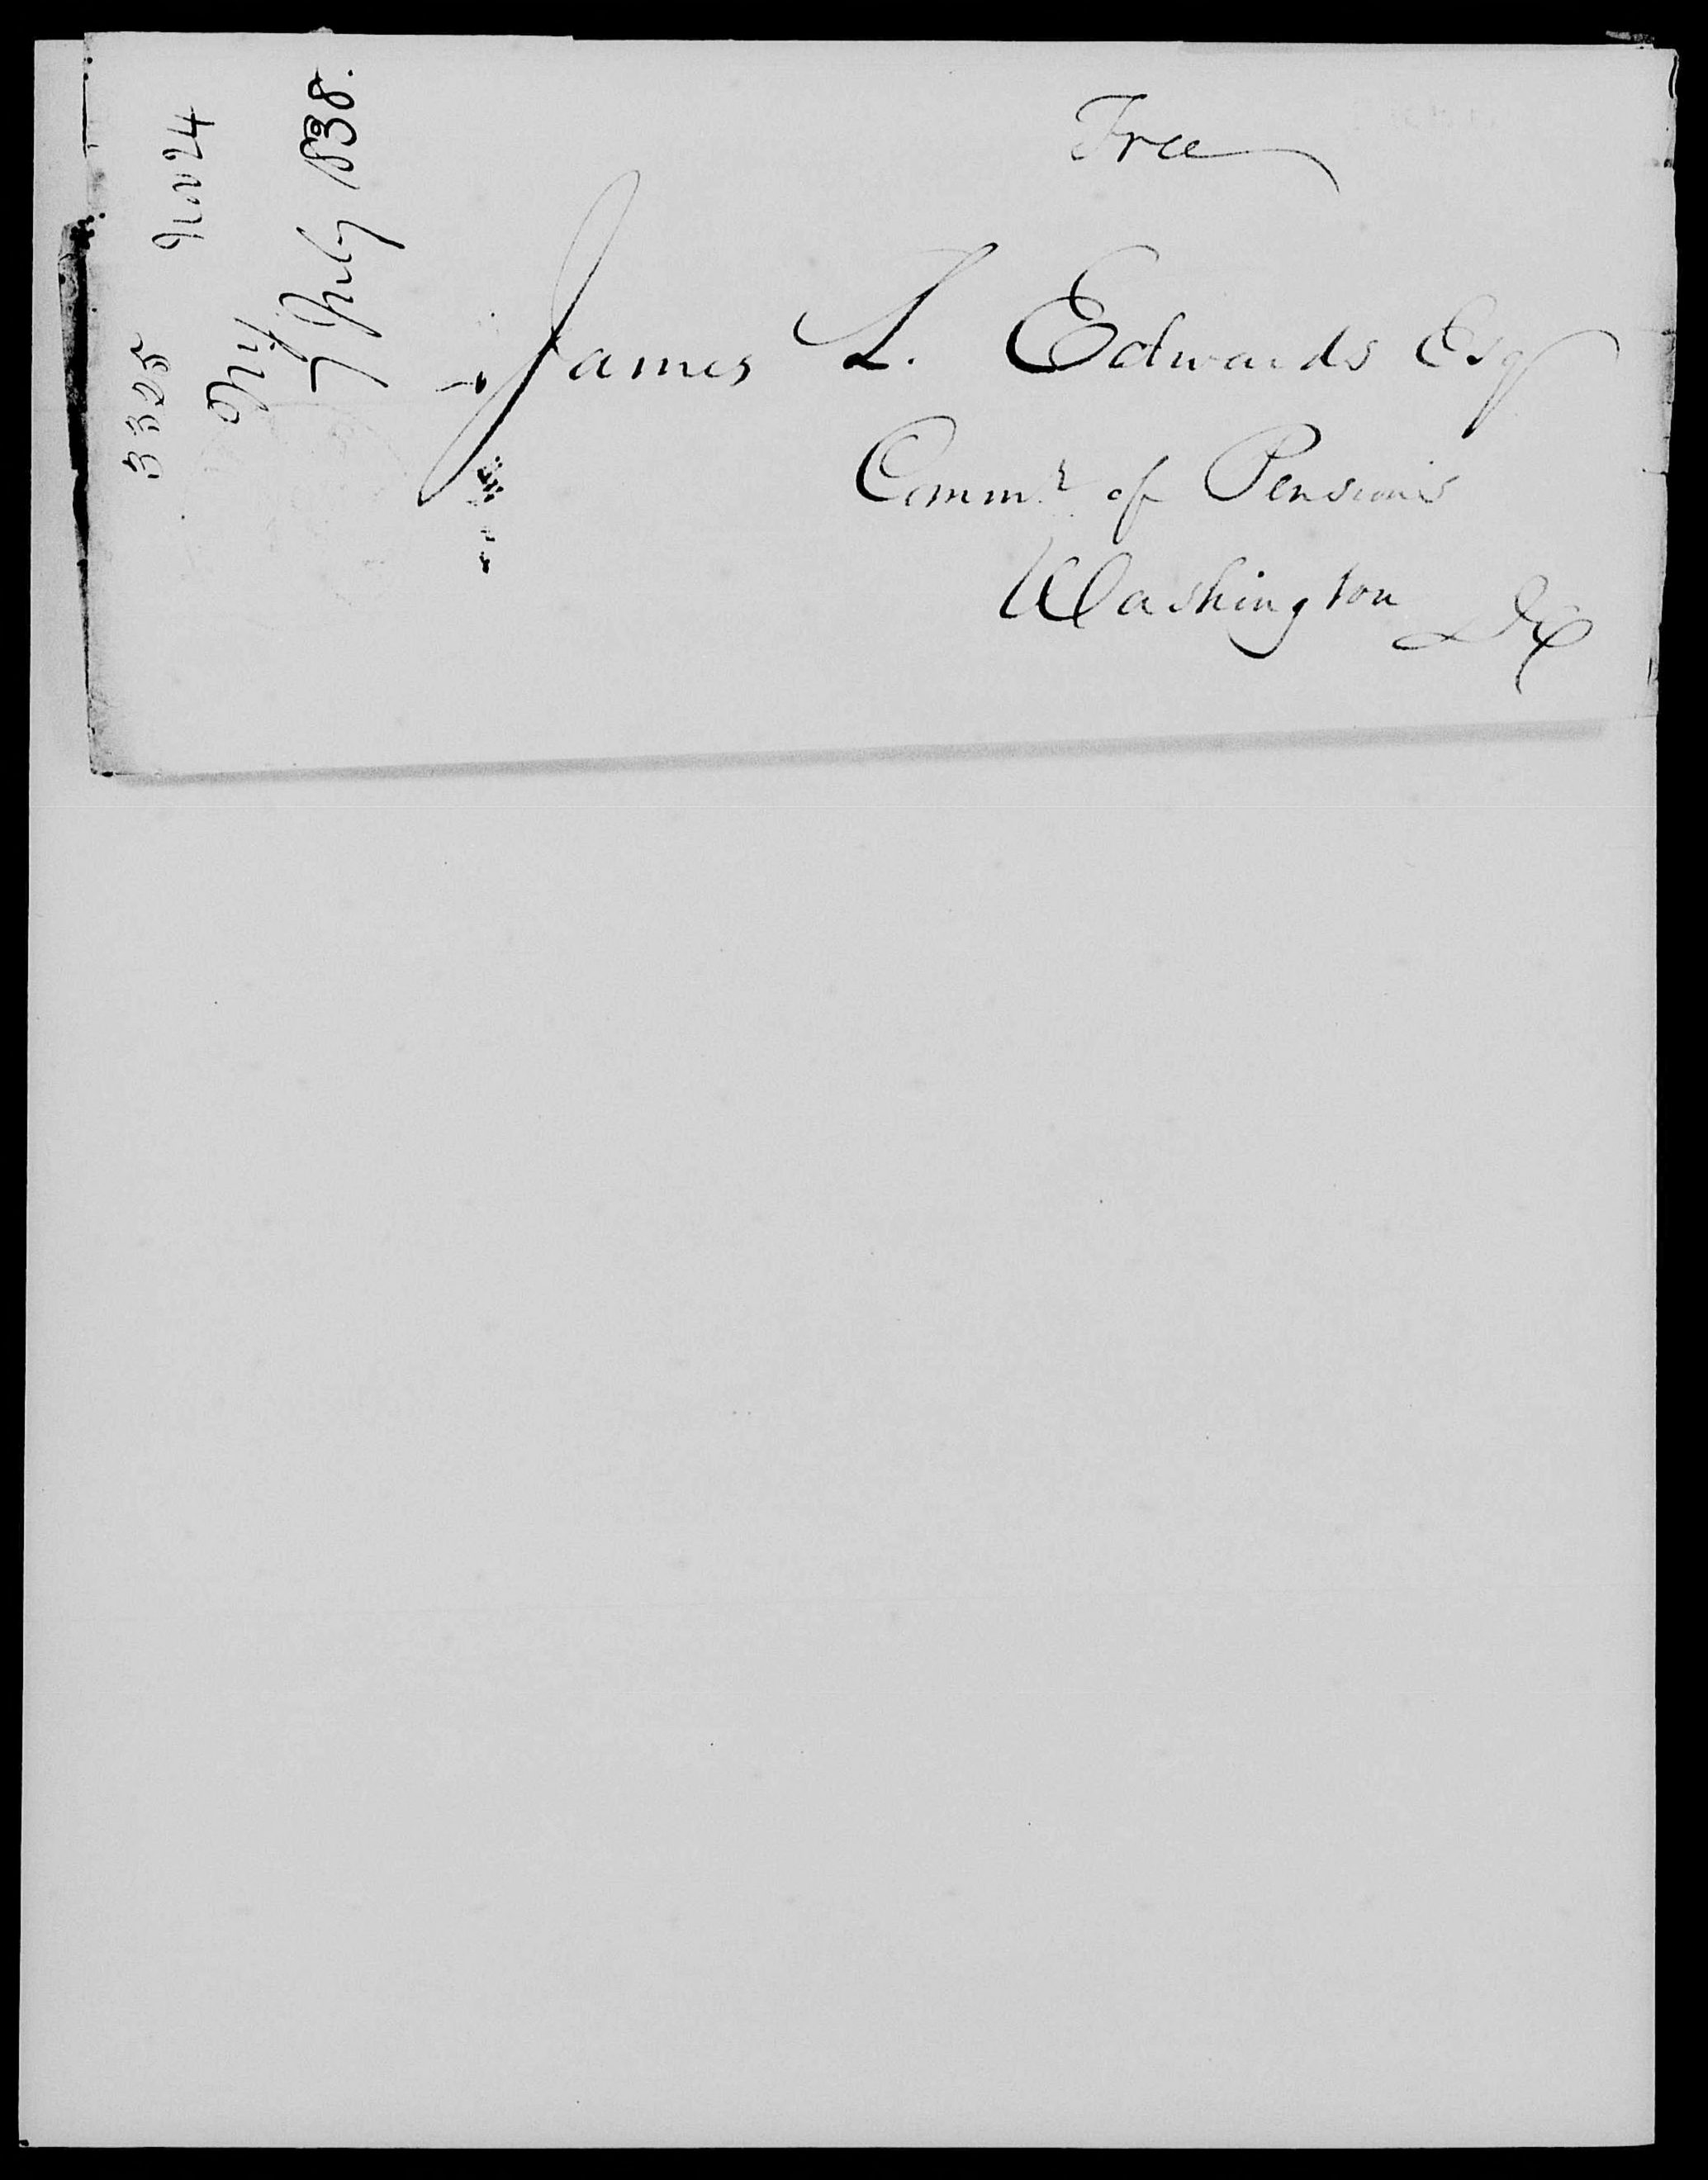3325 Nov 24
NY  7 July 1838
Free
James L. Edwards Esq
Commr of Pensions
Washington  DC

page: 20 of 30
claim: widow's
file: W. 23,904, for Nathan Martin, New Hampshire